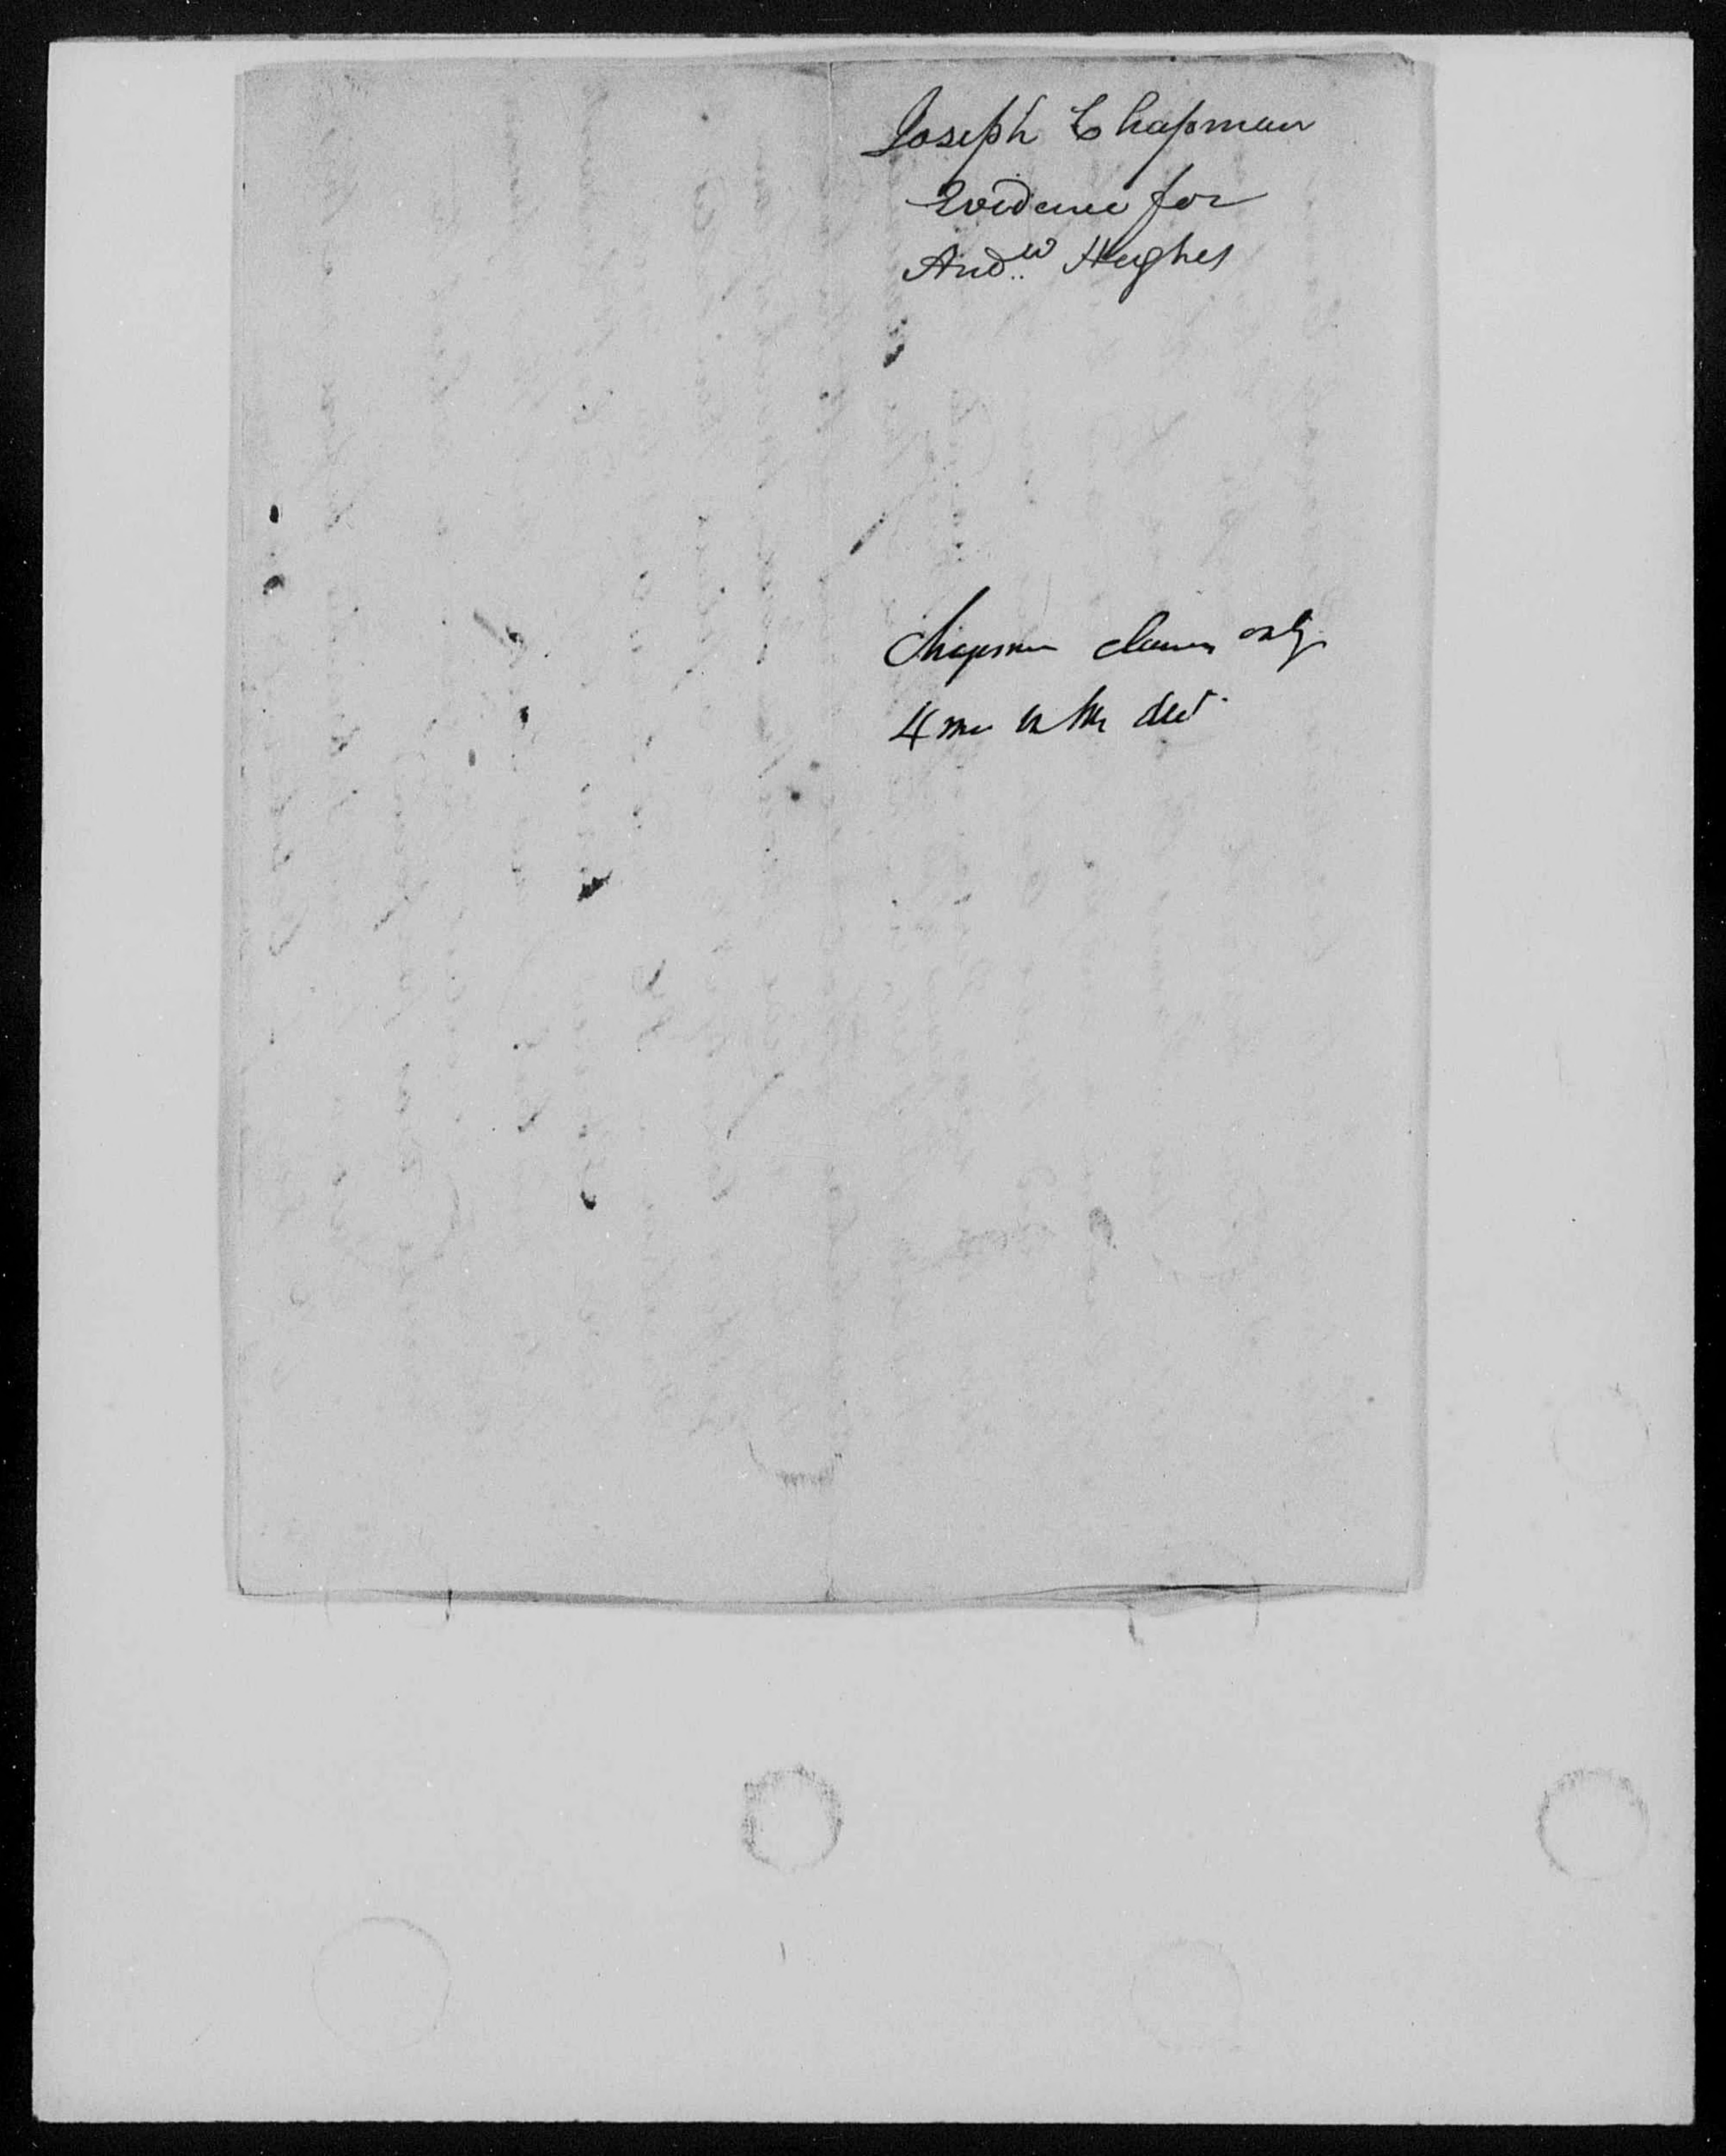Joseph Chapman
Evidence for
Andrew Hughes

Chapman claims only
[?] 4 men with deel [?]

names: Andw Hughes, Joseph Chapman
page: 57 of 75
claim: widow's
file: W. 25805, Andrew Hughes, N.C.